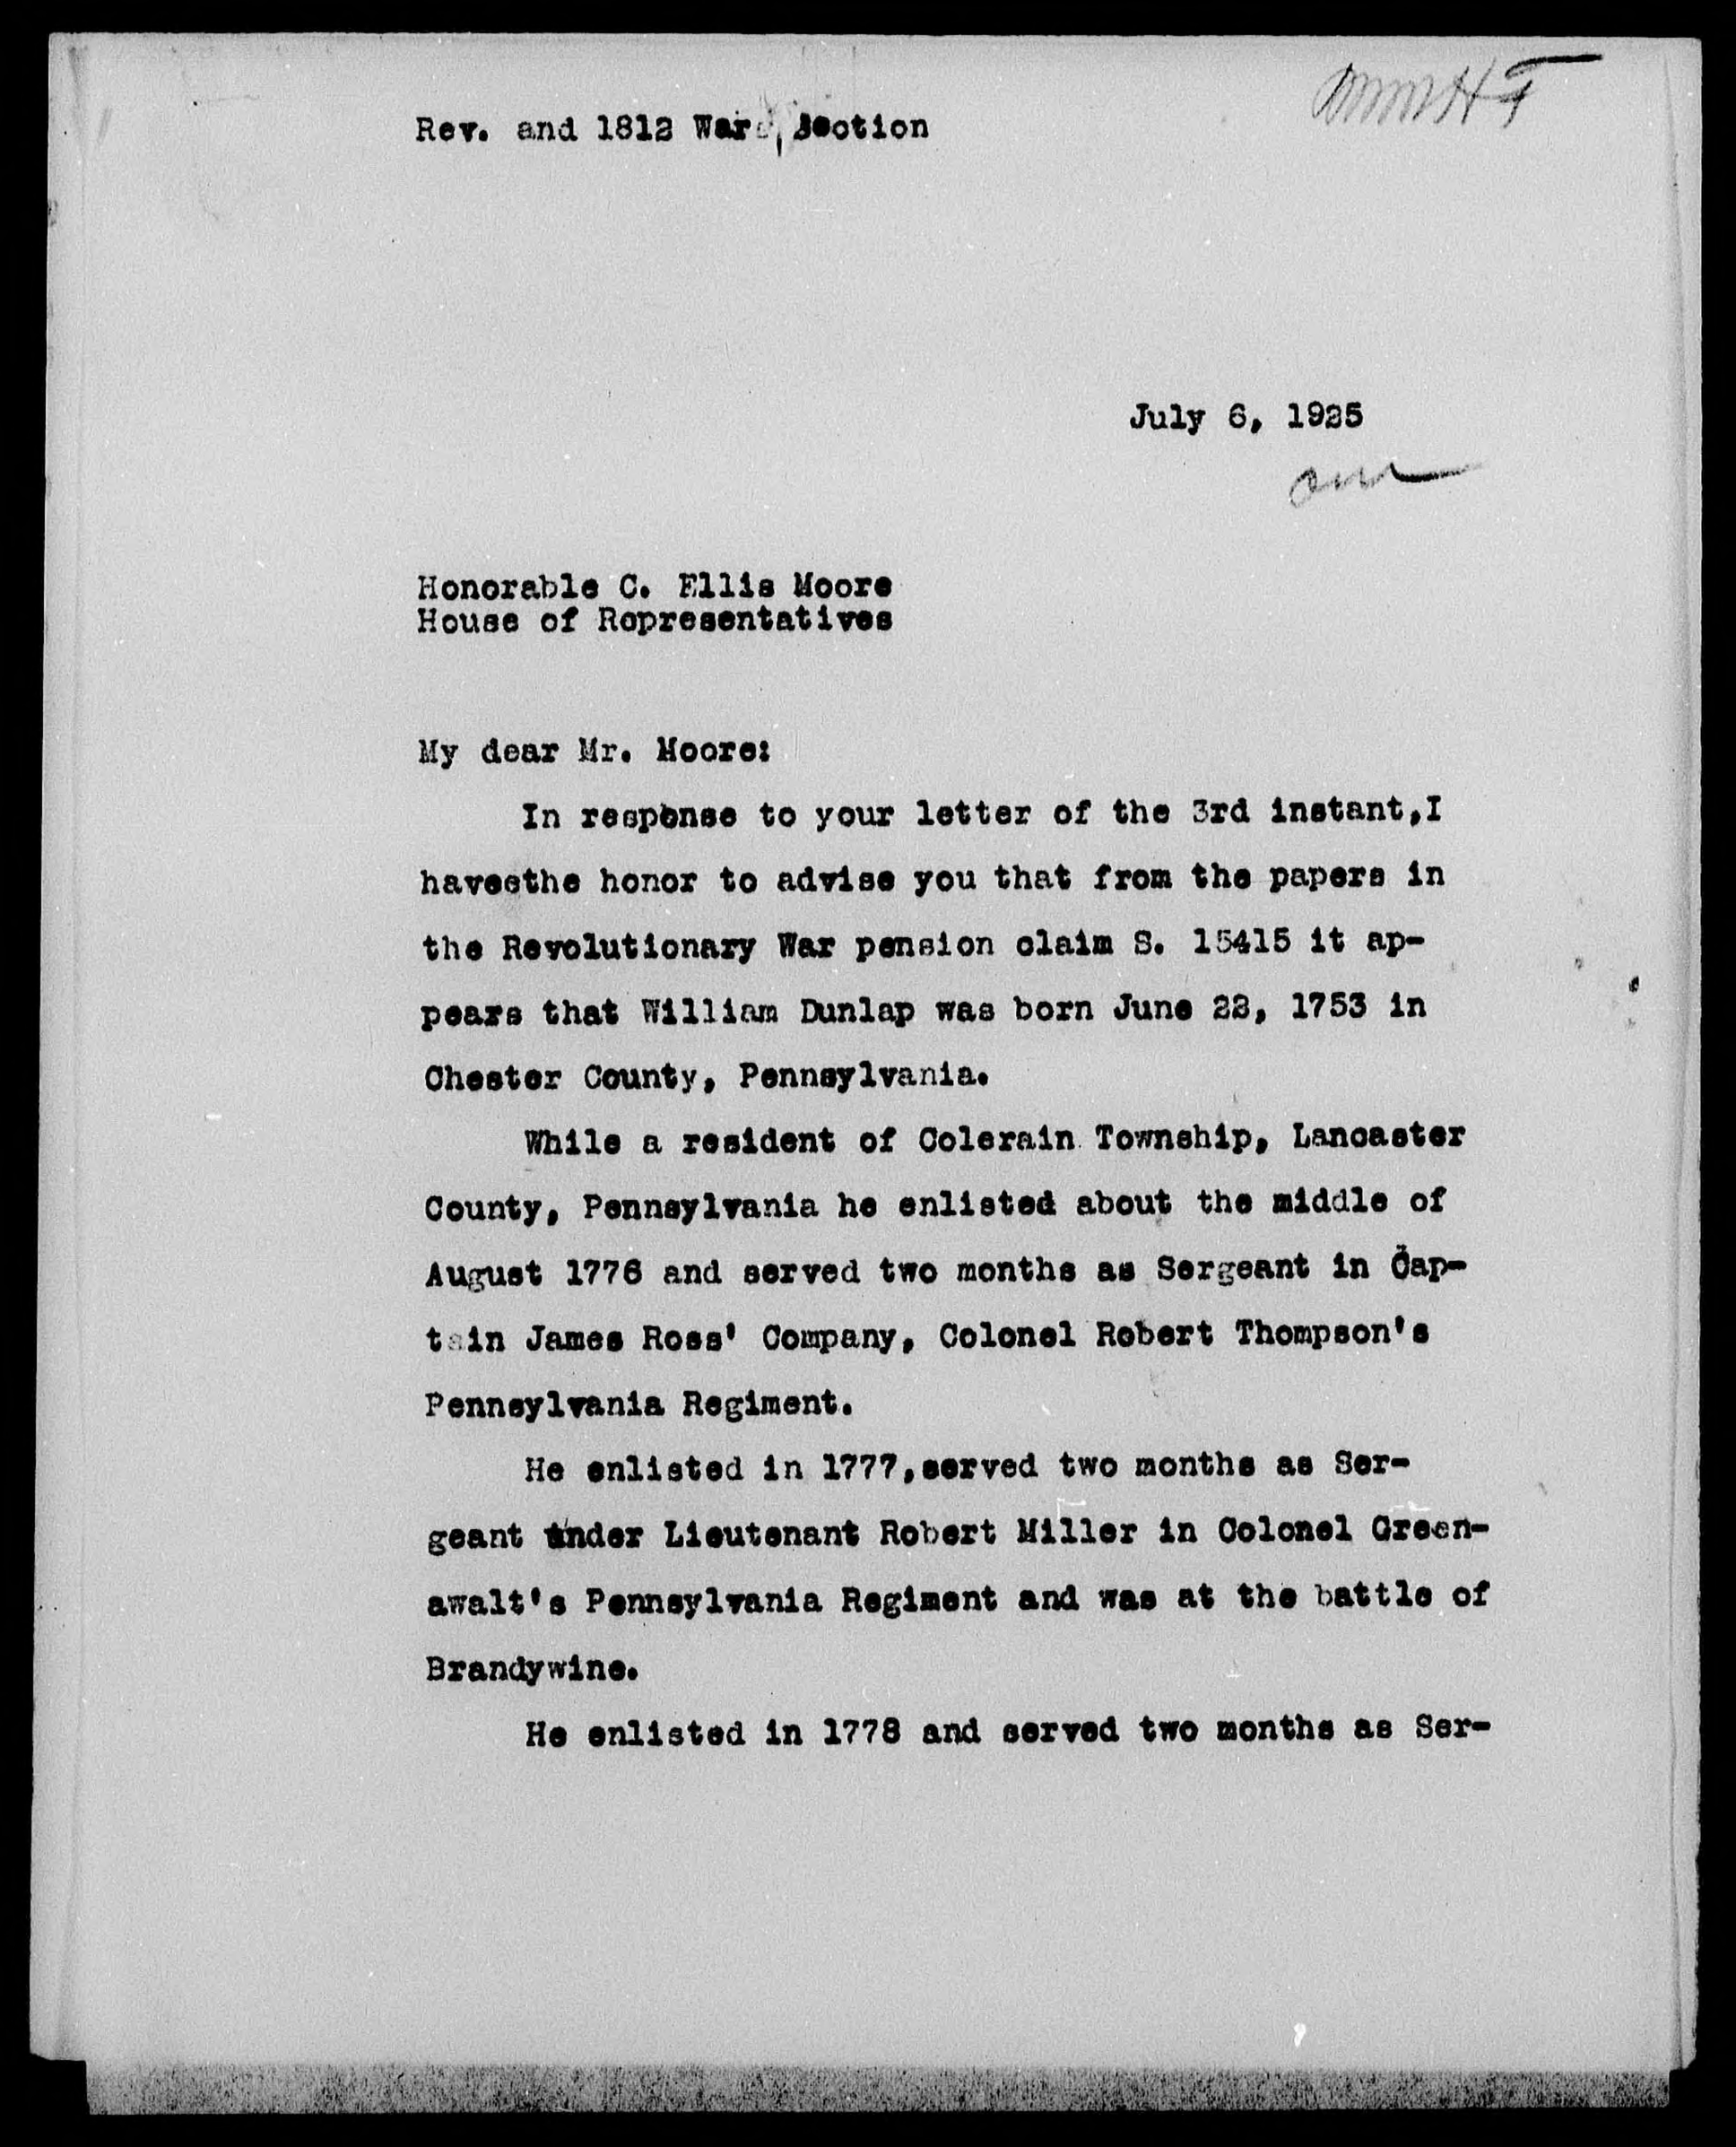July 6, 1925 
AM [handwritten]
Honorable C. Ellis Moore
House of Representatives
My dear Mr. Moore:
In response to your letter of the 3rd instant, I have the honor to advise you that from the papers in the Revolutionary War pension claim S. 15415 it appears that William Dunlap was born June 22, 1753 in Chester County, Pennsylvania.
While a resident of Colerain Township, Lancaster County, Pennsylvania he enlisted about the middle of August 1776 and served two months as Sergeant in Captain James Ross' Company, Colonel Robert Thompson's Pennsylvania Regiment.
He enlisted in 1777, served two months as Sergeant under Lieutenant Robert Miller in Colonel Greenawalt's Pennsylvania Regiment and was at the battle of Brandywine.
He enlisted in 1778 and served two months as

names: C Ellis Moore, Robert Miller, William Dunlap, Moore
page: 8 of 24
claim: survivor's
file: S. 15,415, William Dunlap, Penn.